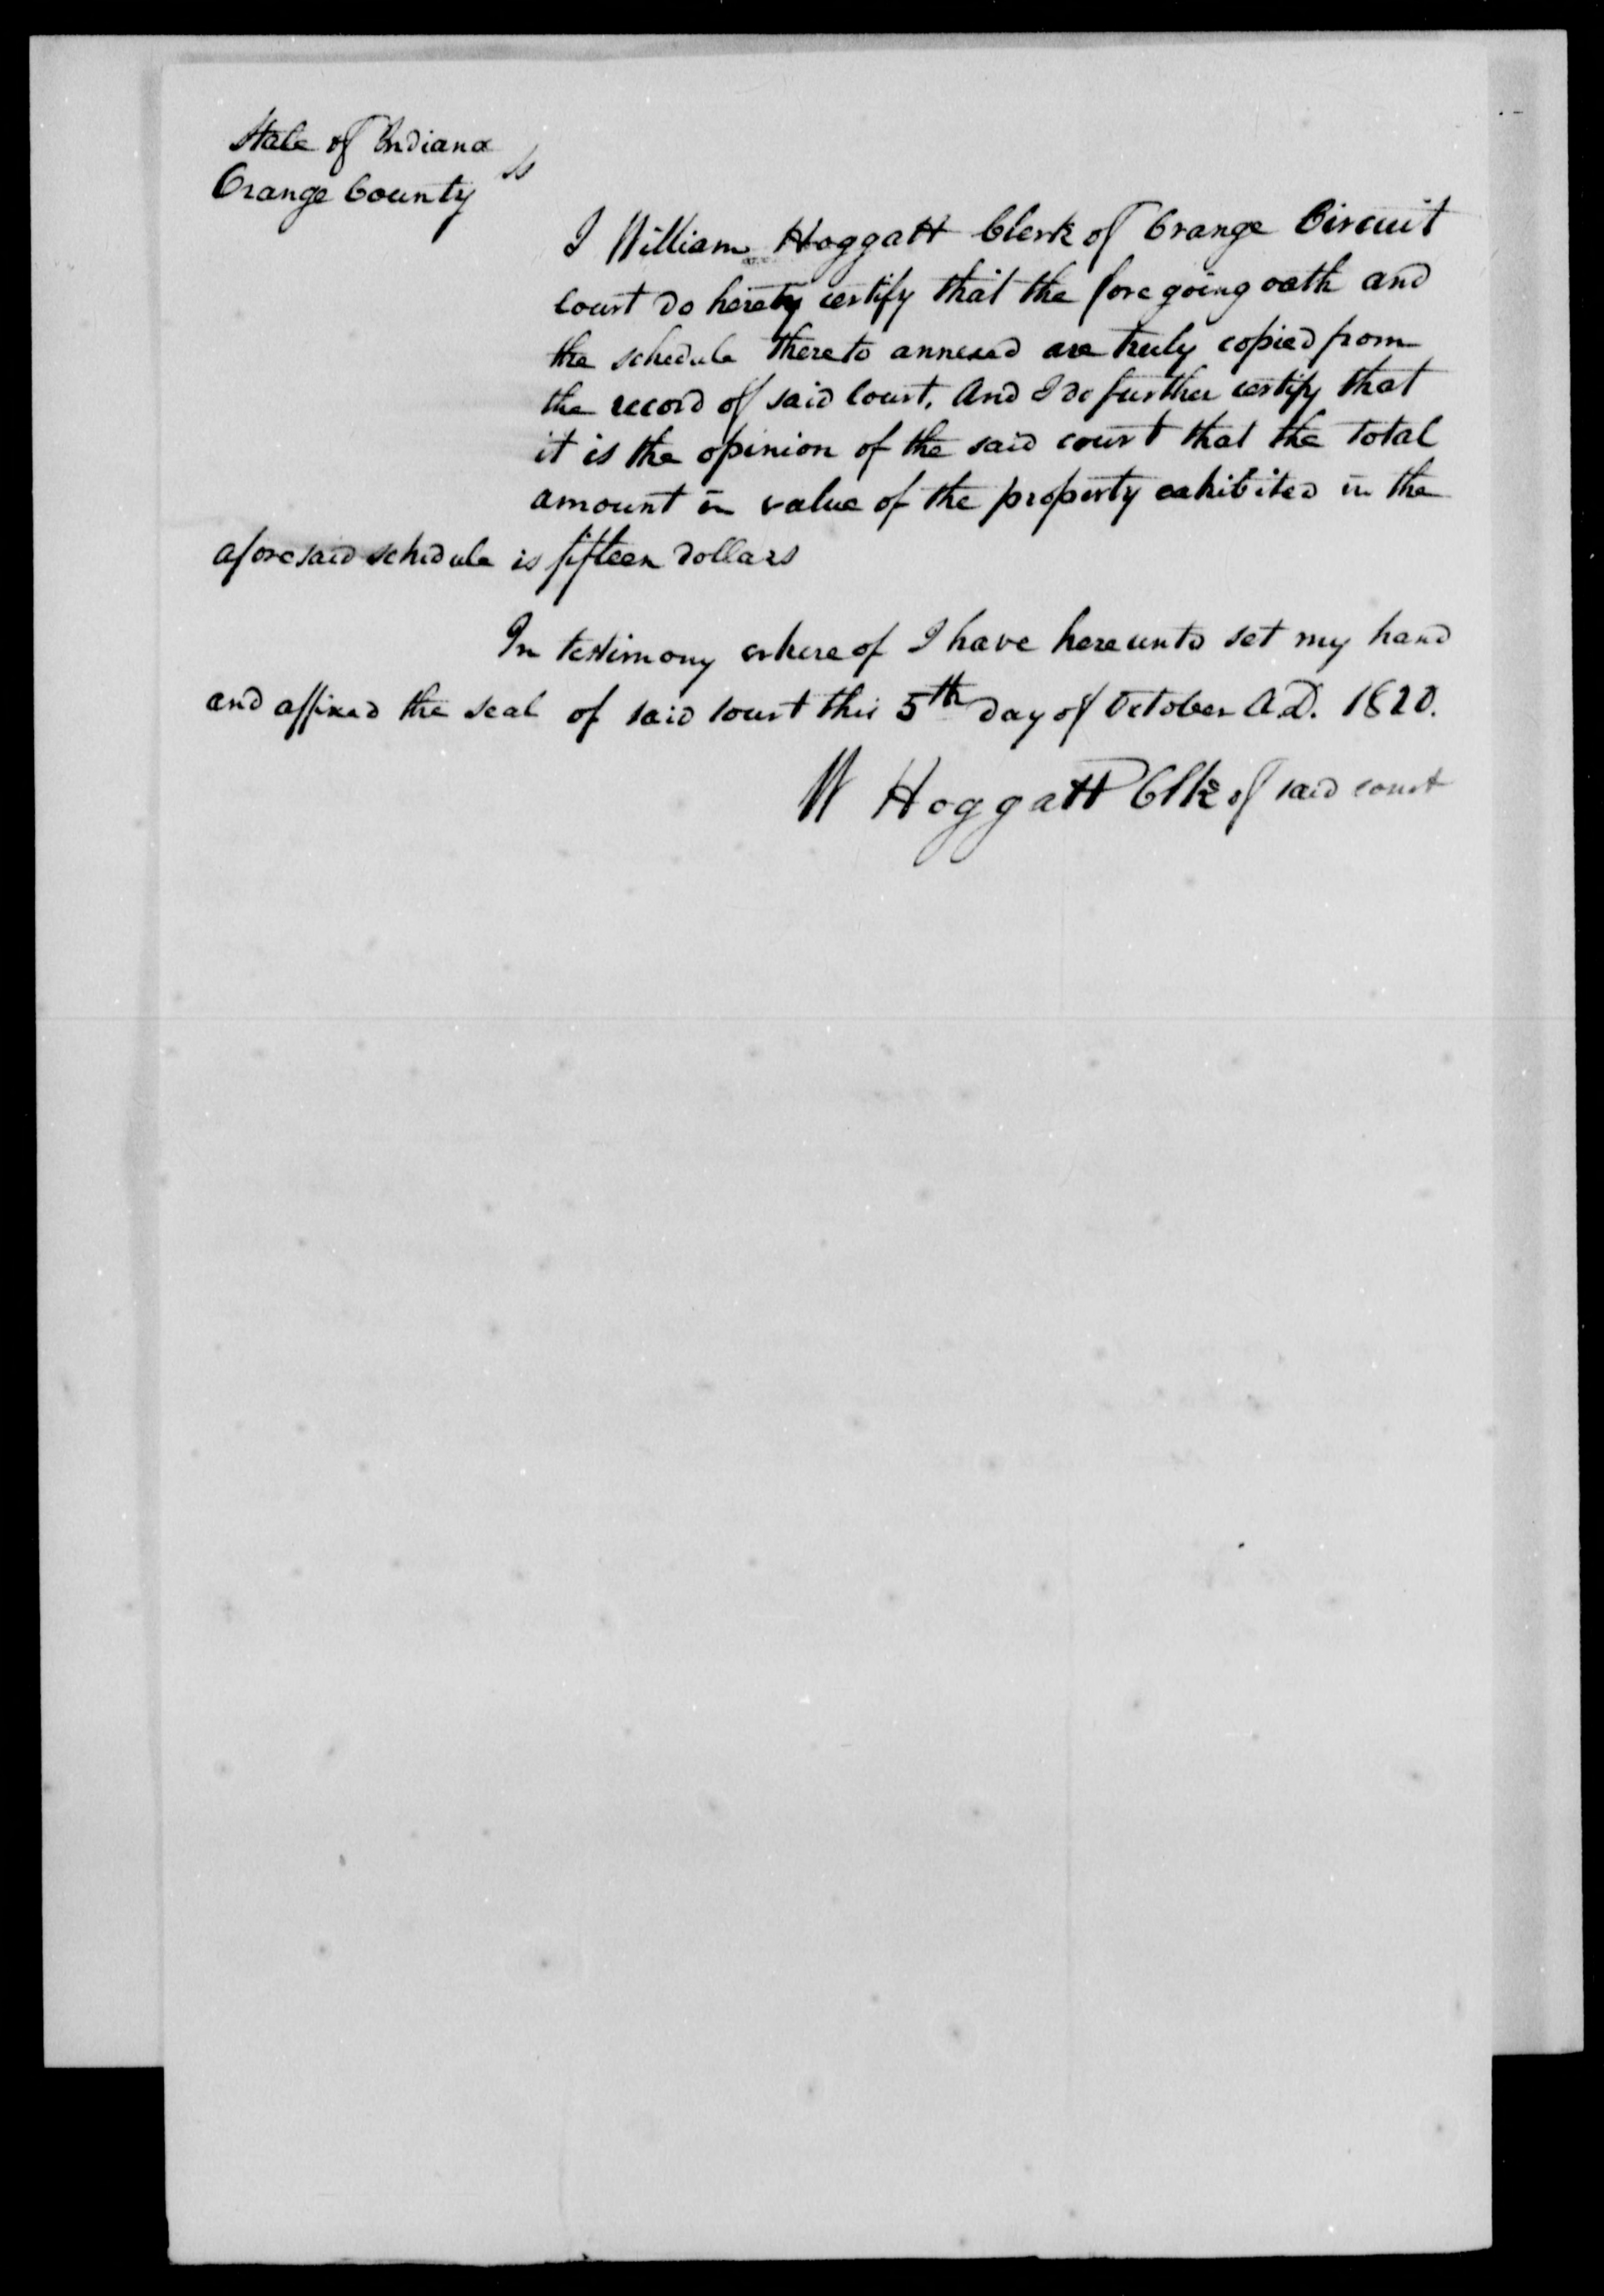State of Indiana
Grange County Ss

I William Hoggatt Clerk of the Grange Circuit Court do hereby certify that the foregoing oath and the schedule thereto annexed are truly copied from the record of said Court, and I do further certify that it is the opinion of the said Court that the total amount in value of the property exhibited in the aforesaid schedule is fifteen dollars
In testimony whereof I have hereunto set my hand and affixed the seal of said Court this 5th day of October A.D. 1820.
W. Hoggatt Clk of said court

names: W Hoggatt; William Hoggatt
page: 10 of 20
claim: survivor's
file: S. 36,783, for George Sparling, New Jersey